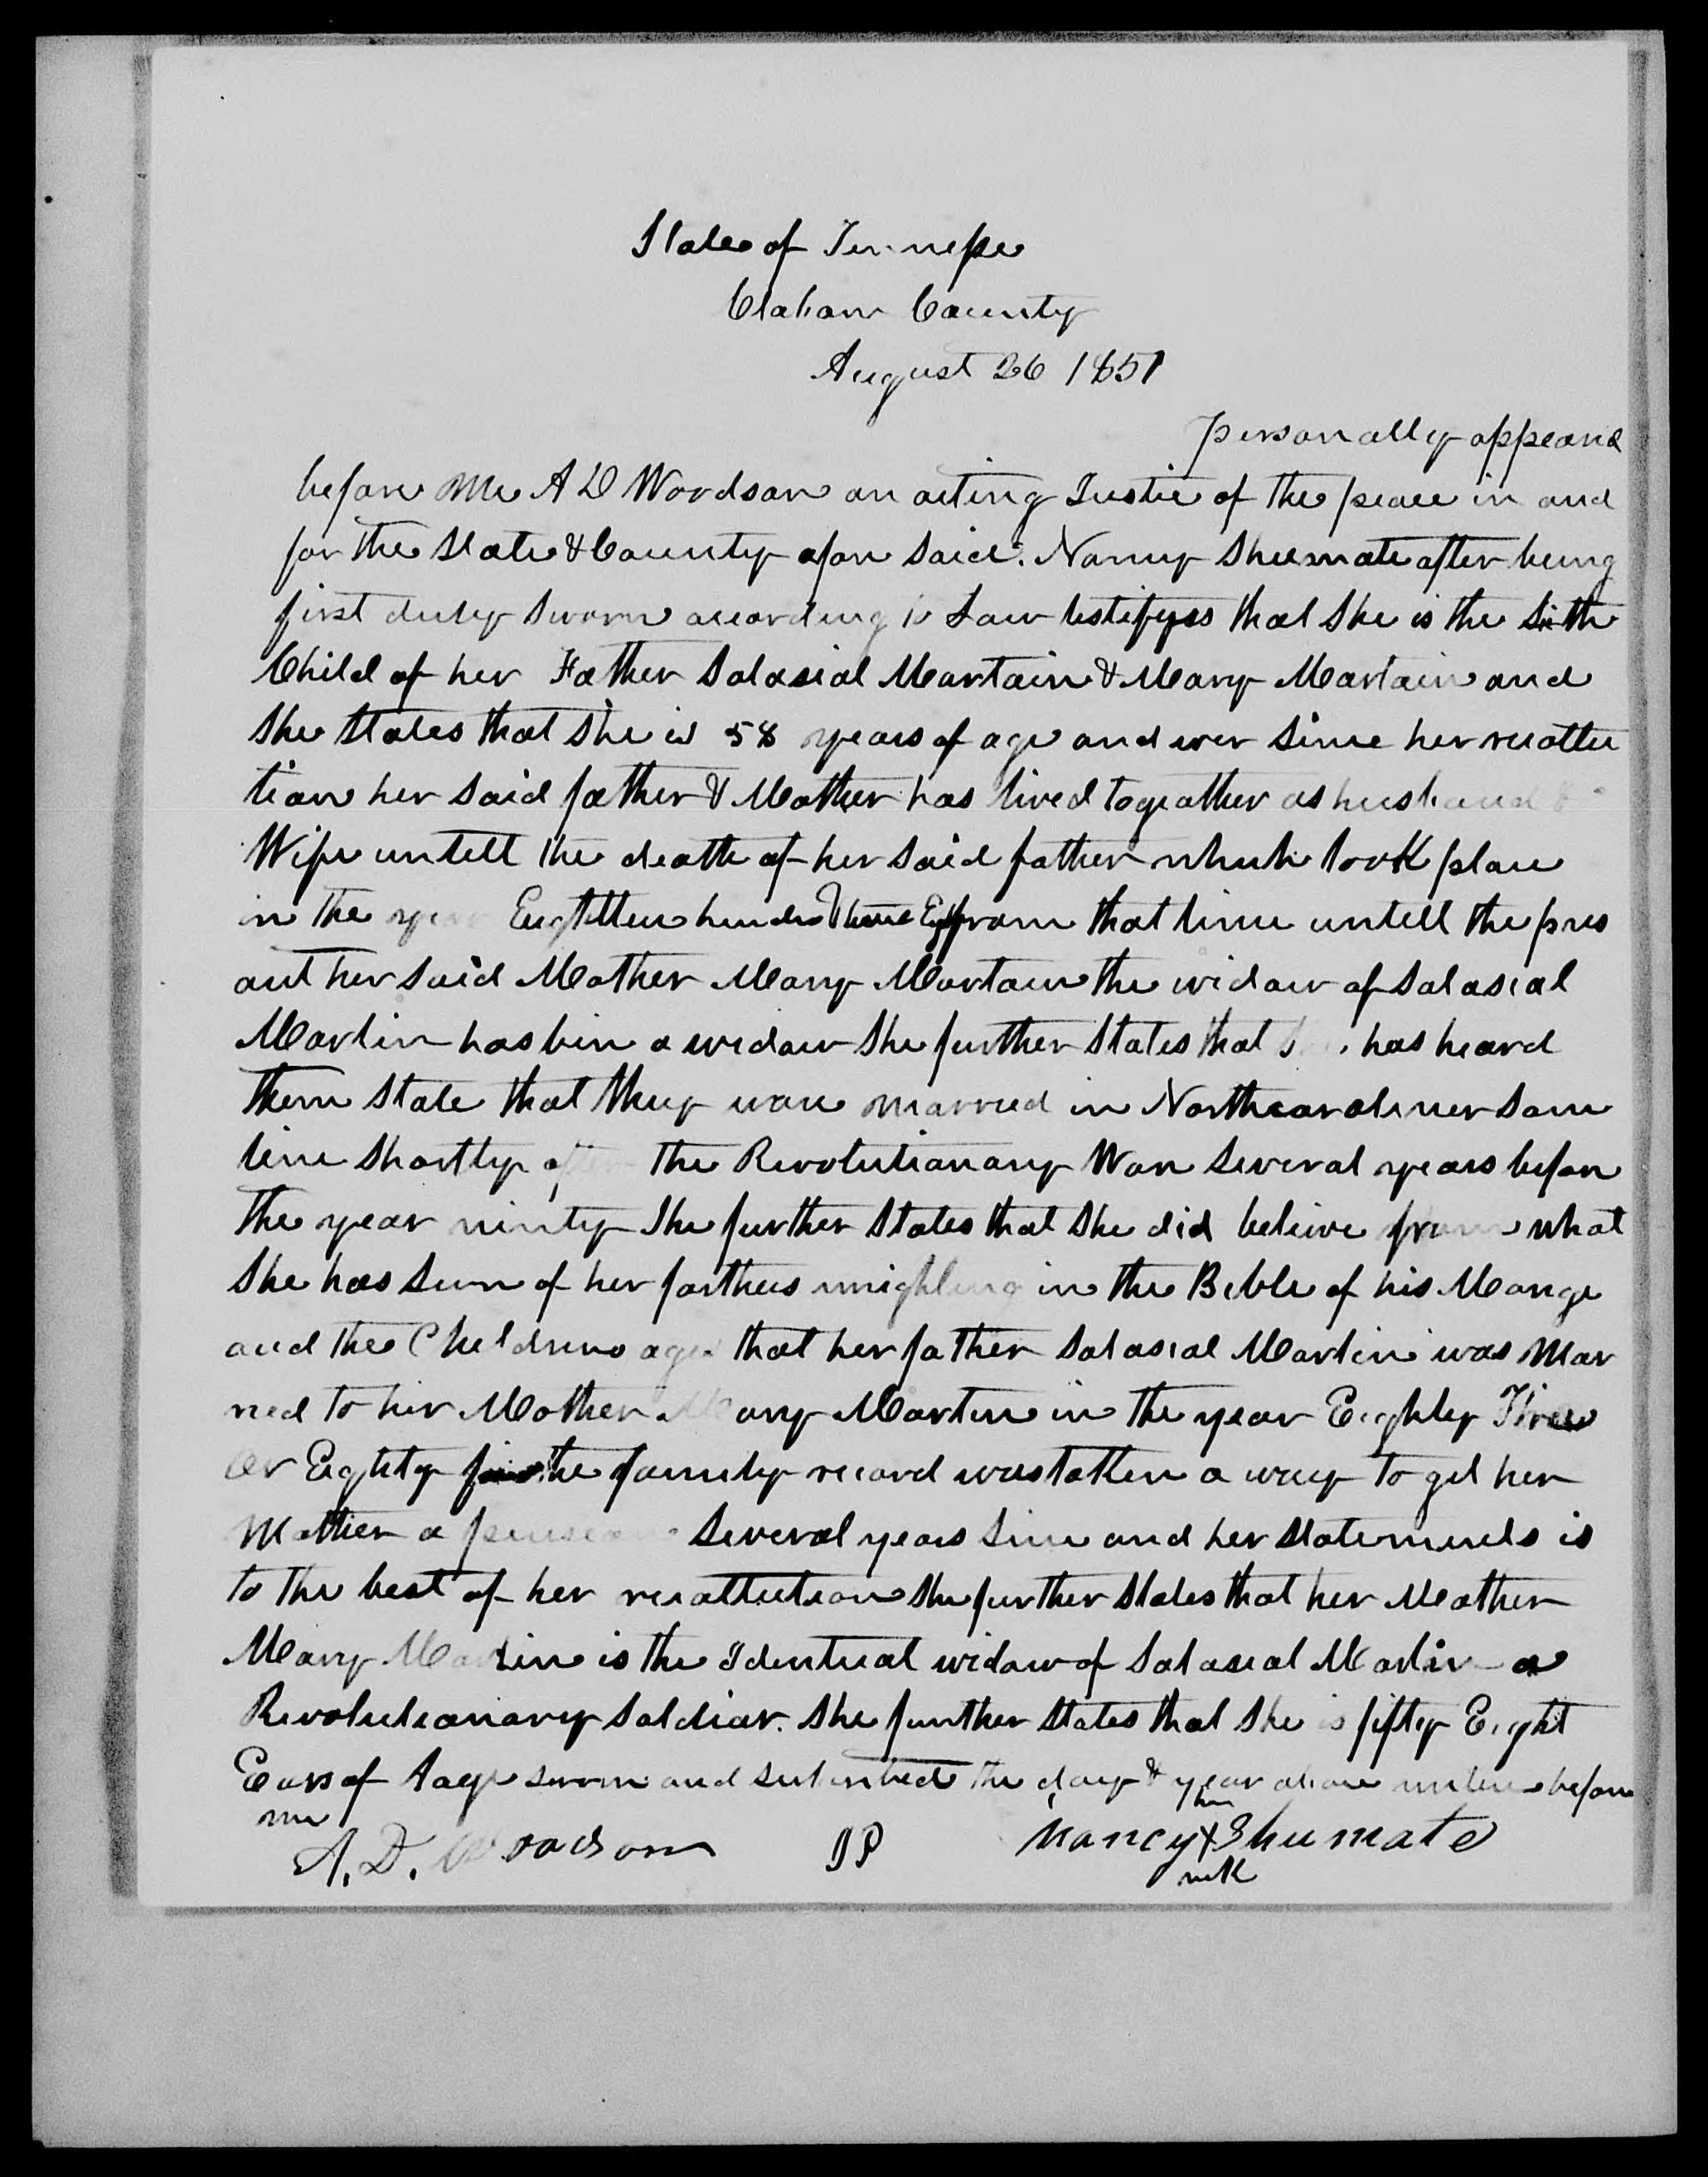State of Tennessee 
Claiborn County 
August 26 1857 
personally appeared 
before me A D Woodson an acting Justice of the peace in and 
for the State & County afore Said. Nancy Shumate after being 
first duly Sworn according to Law testifyes [testifies] that she is the Sixth 
child of her father Salasial [Salathiel] Martain [Martin] & Mary Martain and 
She States that she is 58 years of age and ever since her recollec
tion her said father & Mother has lived together as husband & 
Wife untill [until] the death of her said father which took place 
in the year Eighteen hundred [illegible] from that time untill [until] the pres
ant [present] her said Mother Mary Martain [Martin] the widow of Salasial [Salathiel]
Martin has bin [been] a widow She further States that She has heard 
them state that they were married in Northcarolina some 
time shortly after the Revolutionary War Several years before 
the year ninty [ninety] She further States that She did believe from what 
She has seen of her farthers [fathers] wrighting [writing] in the Bible of his Marrge [marriage] and the Childrens ages that her father Salasial Martin was Mar
ried to her Mother Mary Martin in the year Eighty Three 
or Eighty four the family record was taken a way to get her 
Mother a pension Several years Since and her statements is
to the best of her recollection She further states that her Mother 
Mary Martin is the Identical widow of Salasial Martin a 
Revolutionary Soldier. She further States that She is fifty Eight 
Ears [years] of Aage [age] sworn and subscribed the day & year above writen [written] before 
me  
Nancy her X mark Shumate 
A.D. Woodson JP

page: 24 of 120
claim: widow's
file: W. 1044, for Salathiel Martin, North Carolina